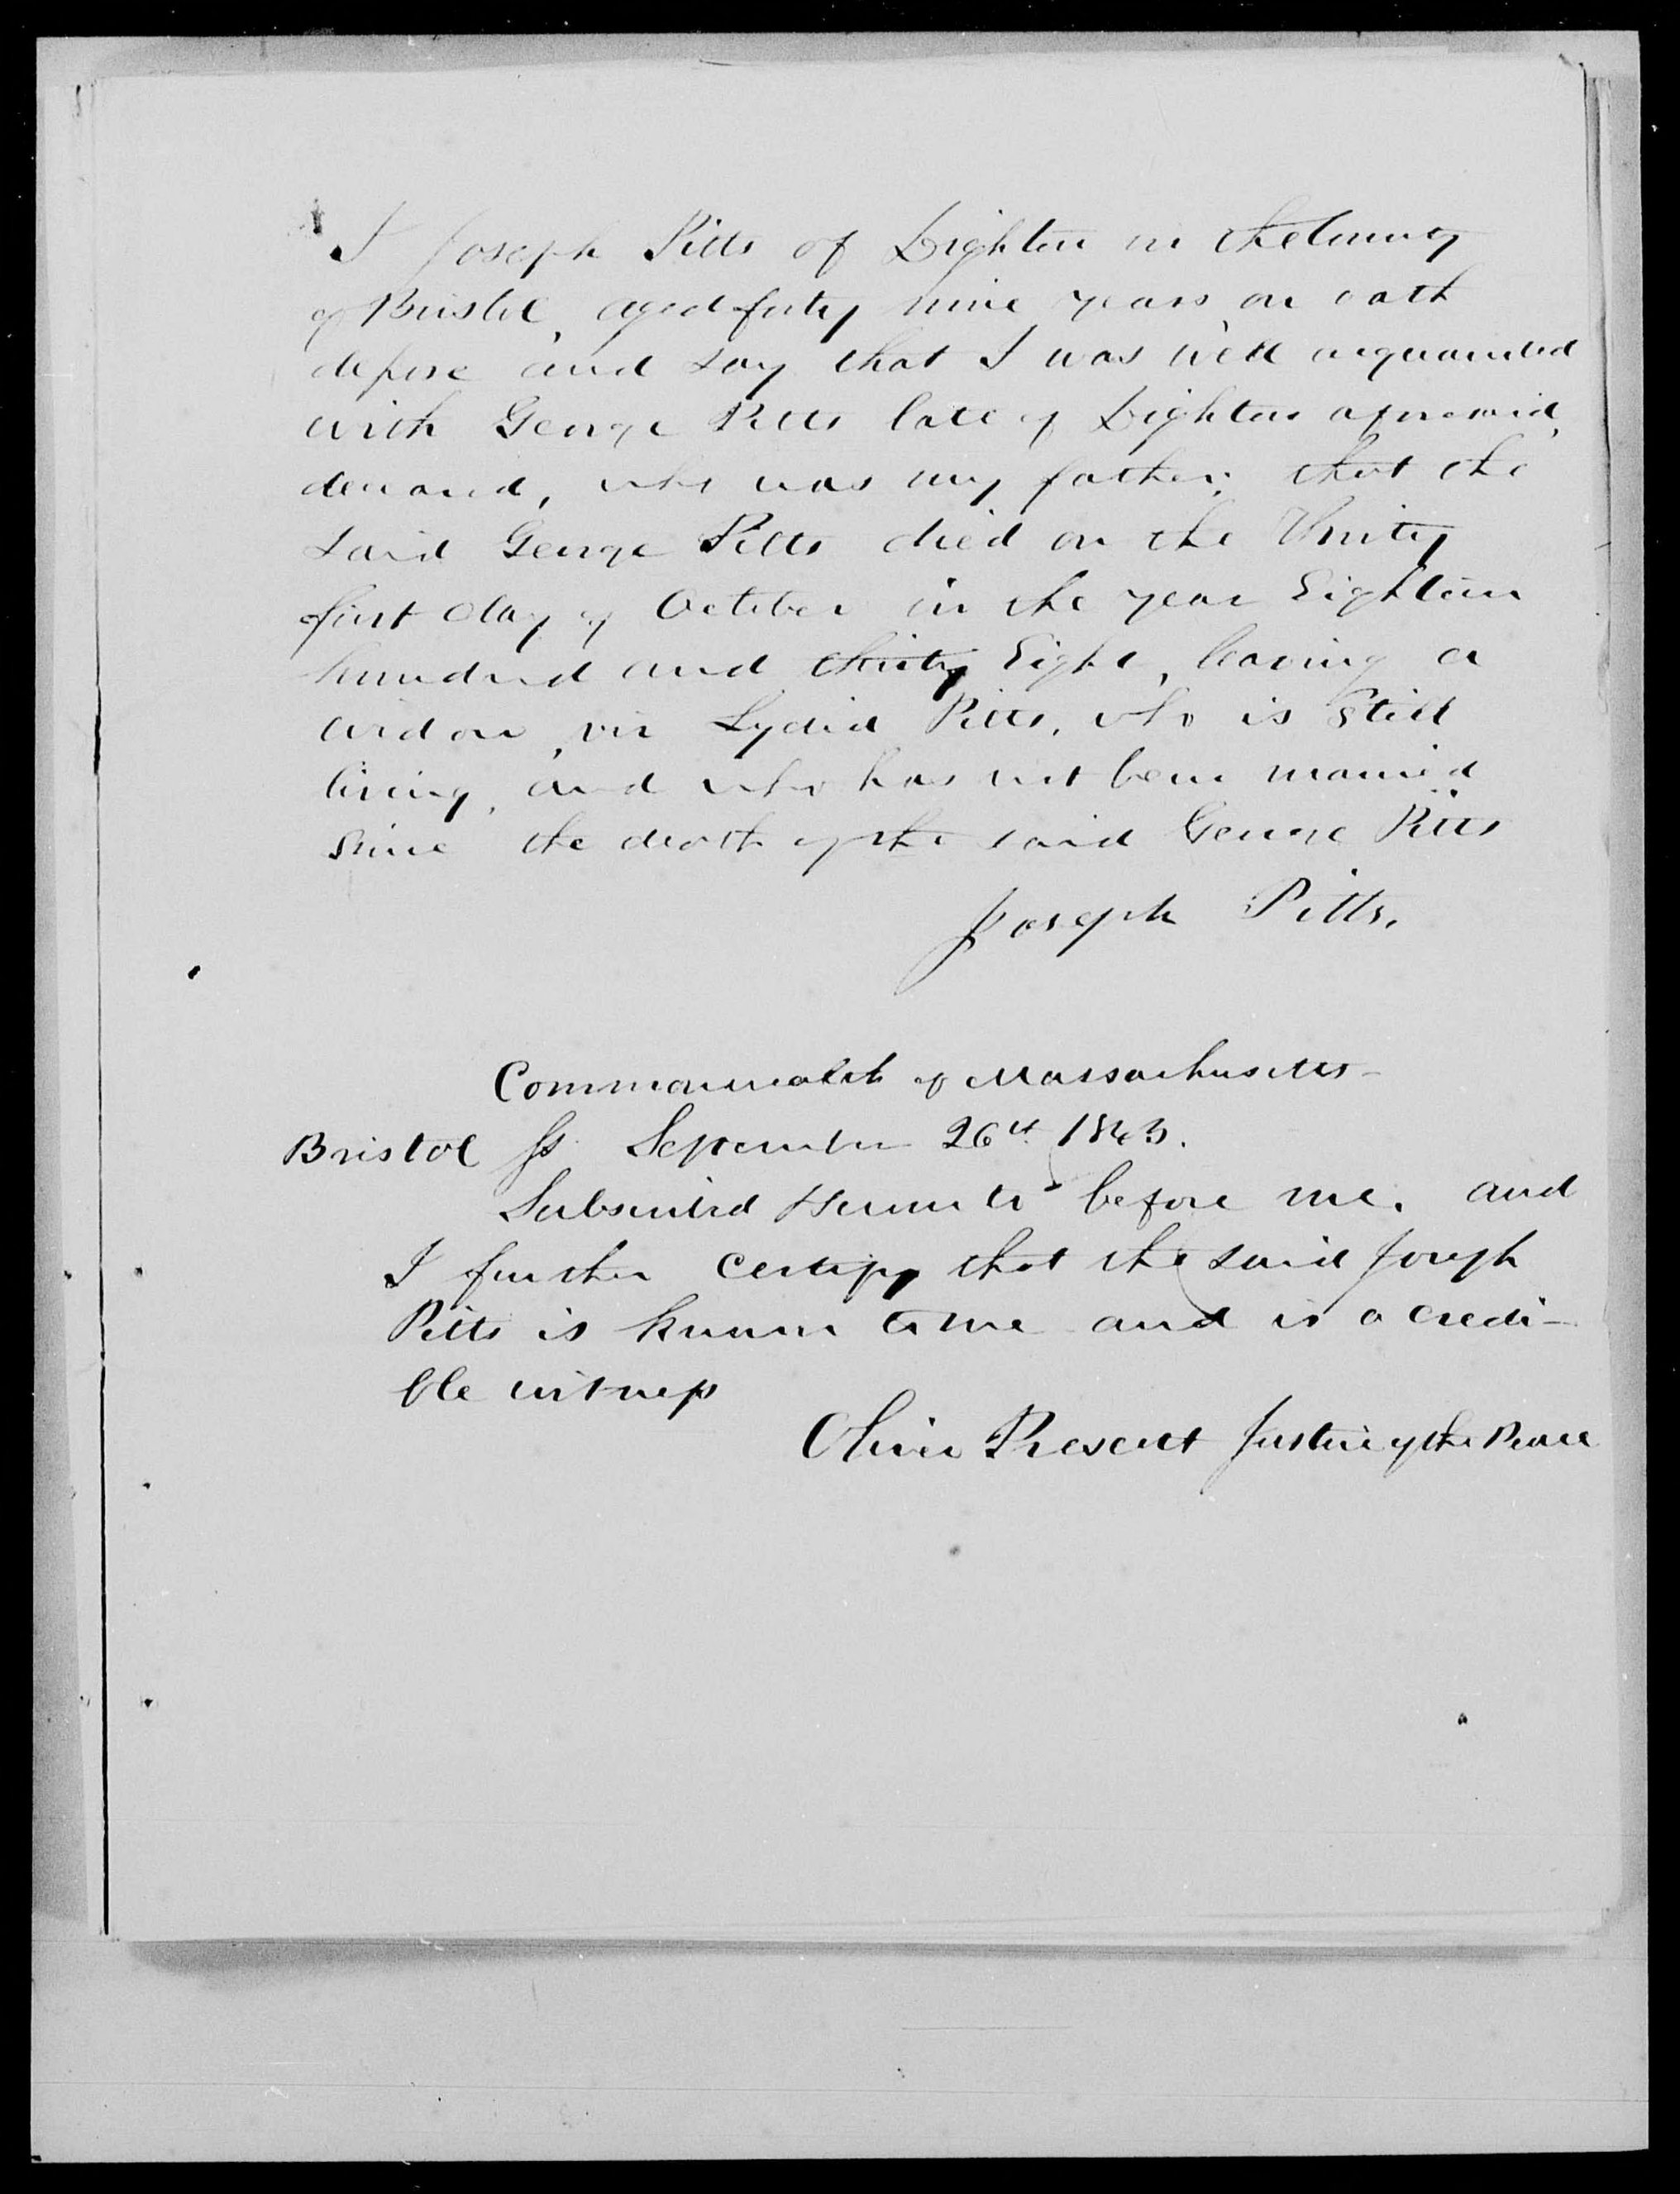I, Joseph Pitts of Dighton in the County
of Bristol, aged forty none years on oath
depose and say that I was well acquainted
with George Pitts late of Dighton aforesaid
County, who was my father; that the
said George Pitts died on the fhirty
first day of October in the year Eighteen
hundred and thirty eight, having a
widow, viz. Lydia Pitts, who is still
living, and who has not been married
since the death of the said George Pitts.

Joseph Pitts

Commonwealth of Massachusetts
Bristol September 26th 1843

Subscribed hereunto before me, and
I further certify that the said Joseph
Pitts is known to me and is a credible
witness.

Oliver Prescott  Justice of the Peace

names: Lydia Pitts; Oliver Prescott; Joseph Pitts; George Pitts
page: 13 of 54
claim: widow's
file: W. 26,897, for George Pitts, Massachusetts